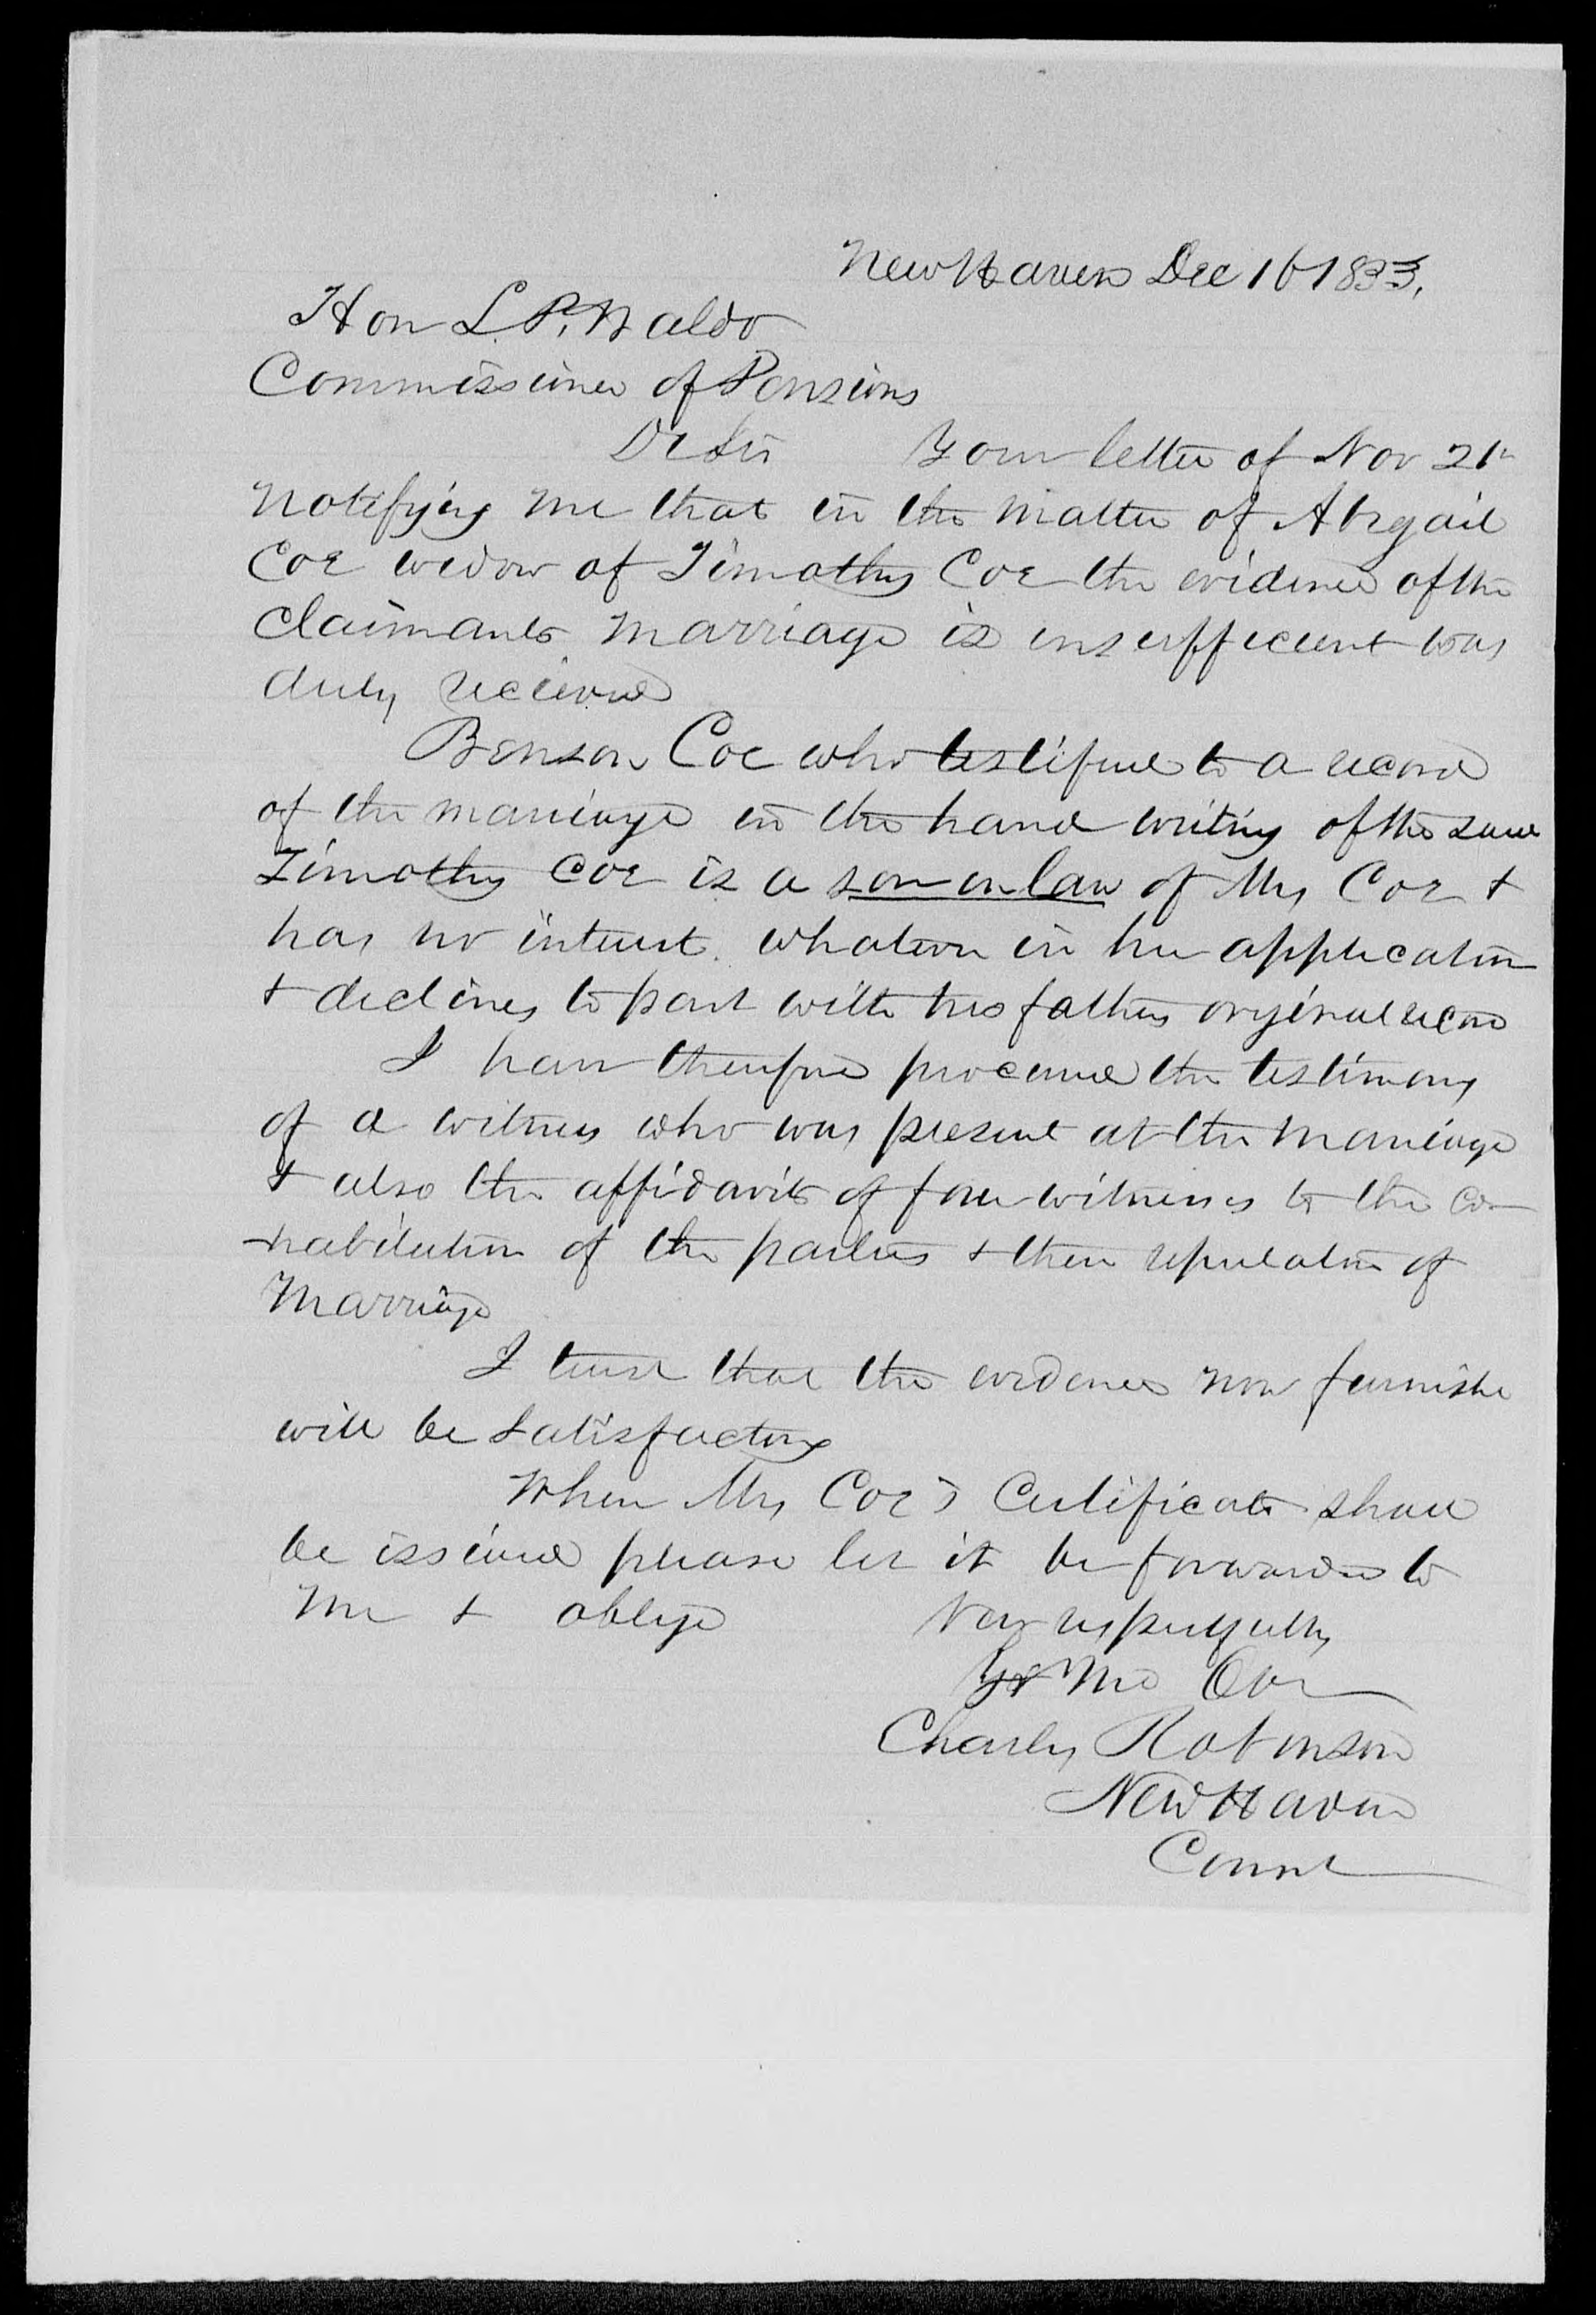New Haven Dec 16 1833
Hon L. P. Naldo
Commissioner of Pensions
Order
Your letter of Nov 21
Notifying me that in the matter of Abigail
Coe widow of Timothy Coe the evidence of the
4
claimants marriage is insufficient was
duly received
Benson Coe who testified to a record
of the marriage in the hand writing of the same
Timothy Coe is a son in law of Mrs Coe &
has no interest whatever in her application
& declines to part with the fathers orgination
I have therefore pronounce the testimony
of a witness who was present at the marriage
& also the affidavits of four witnesses to co-habitation
of the parties & then reputation of
Marriage
I trust that the evidence now furnish
will be satisfactory
When Mrs Coe's Certificate shall
be issued please let it be forwarded to
me & oblige
Very respectfully
for Mrs Coe
Charles Robinson
New Haven
Conn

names: Timothy Coe, Charles Robinson, Coe, Benson Coe, Abigail Coe, Timothy Coe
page: 13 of 76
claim: widow's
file: W. 5,250, Timothy Coe, Conn.